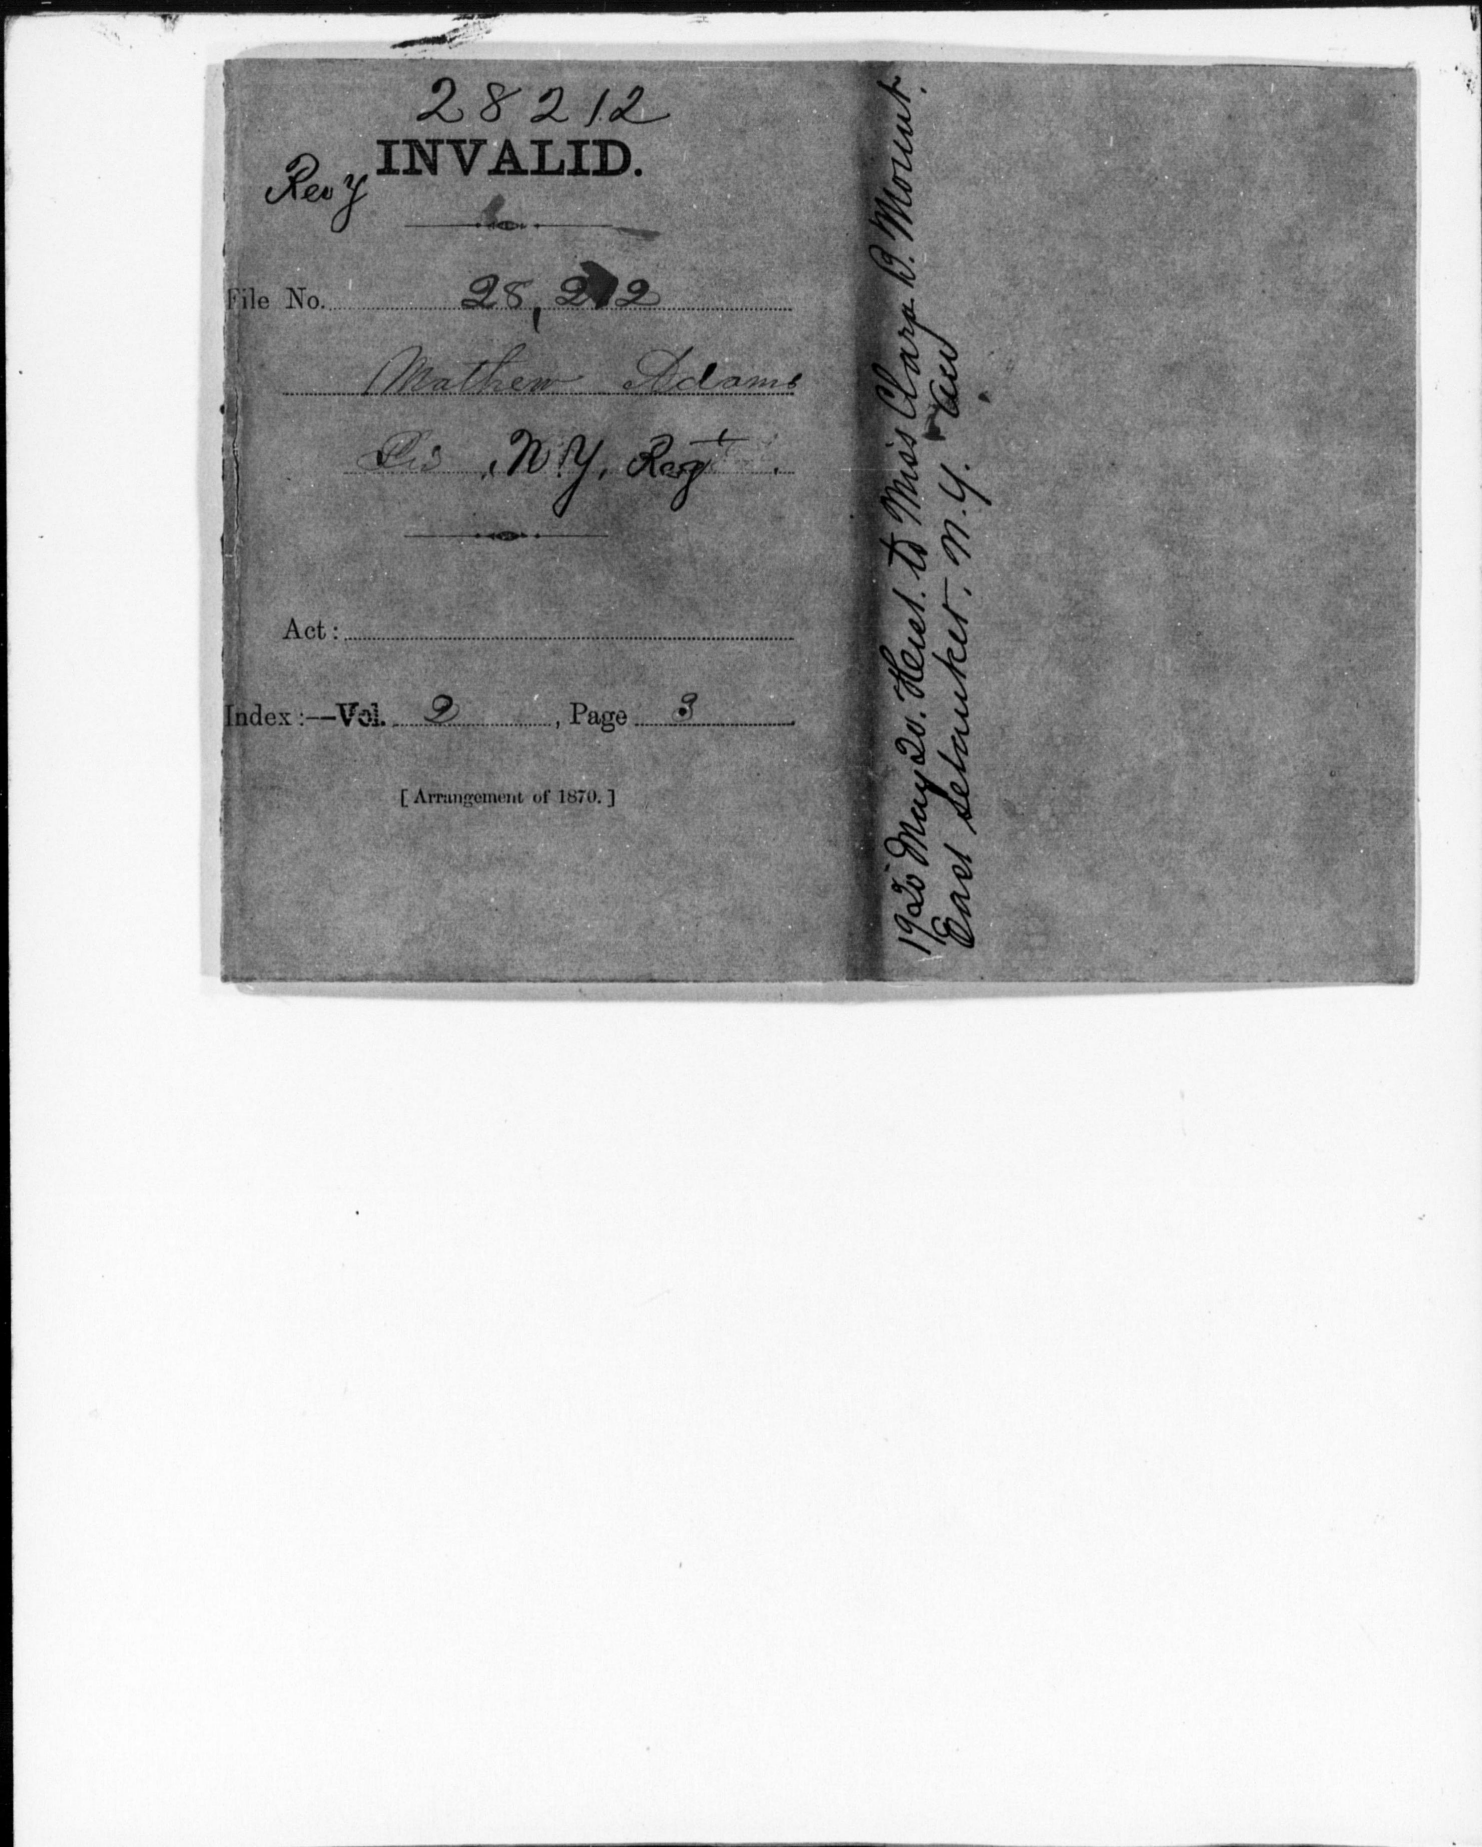28212
INVALID 
Rev’y
File No. 25272
Mathew Adams
Pes. N.Y. Reg’
Act:
Index: Vol 2 Page 3
Arrangement of 1870
1920 May 20 
Heisl. To Miss Clara B. Mount
East Setauket, N.Y. AW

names: Mathew Adams, Clara B Mount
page: 8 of 13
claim: survivor's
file: S. 28,212, Mathew Adams, New York